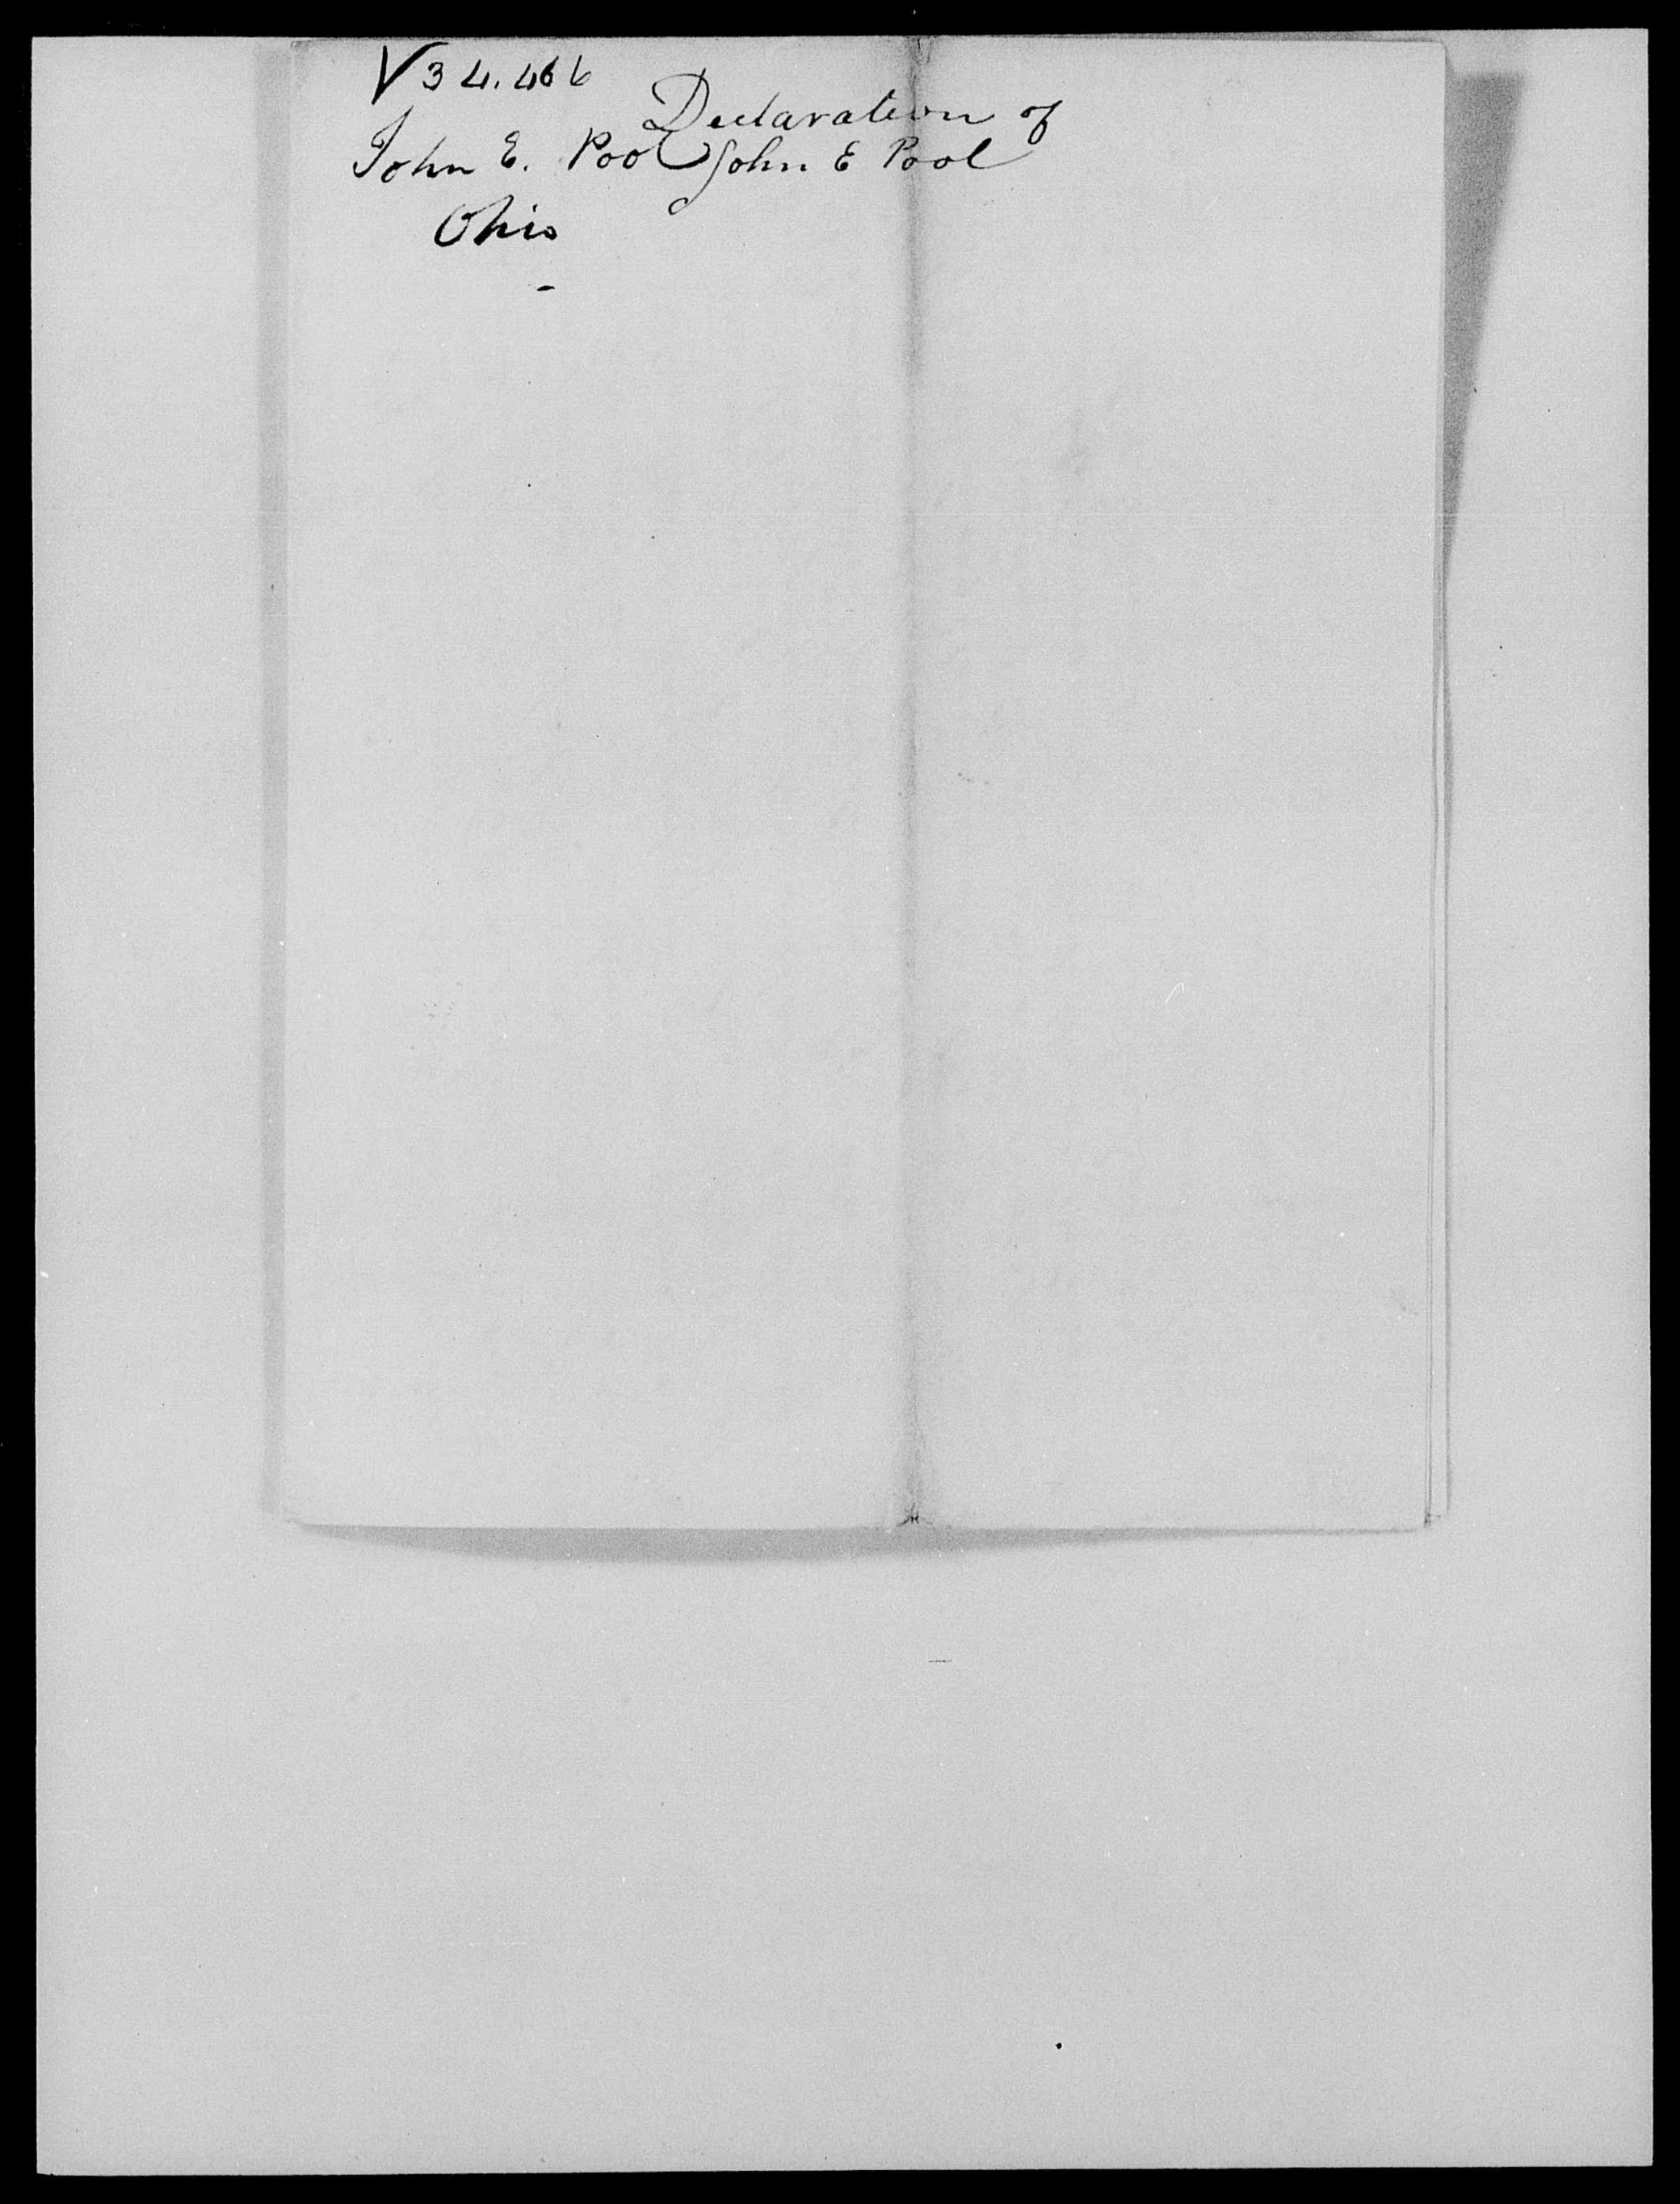V 34.486

Declaration of John E Pool

John E. Pool   Ohio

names: John E Pool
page: 2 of 22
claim: rejected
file: R. 8,319, for John Engle Pool, Pennsylvania